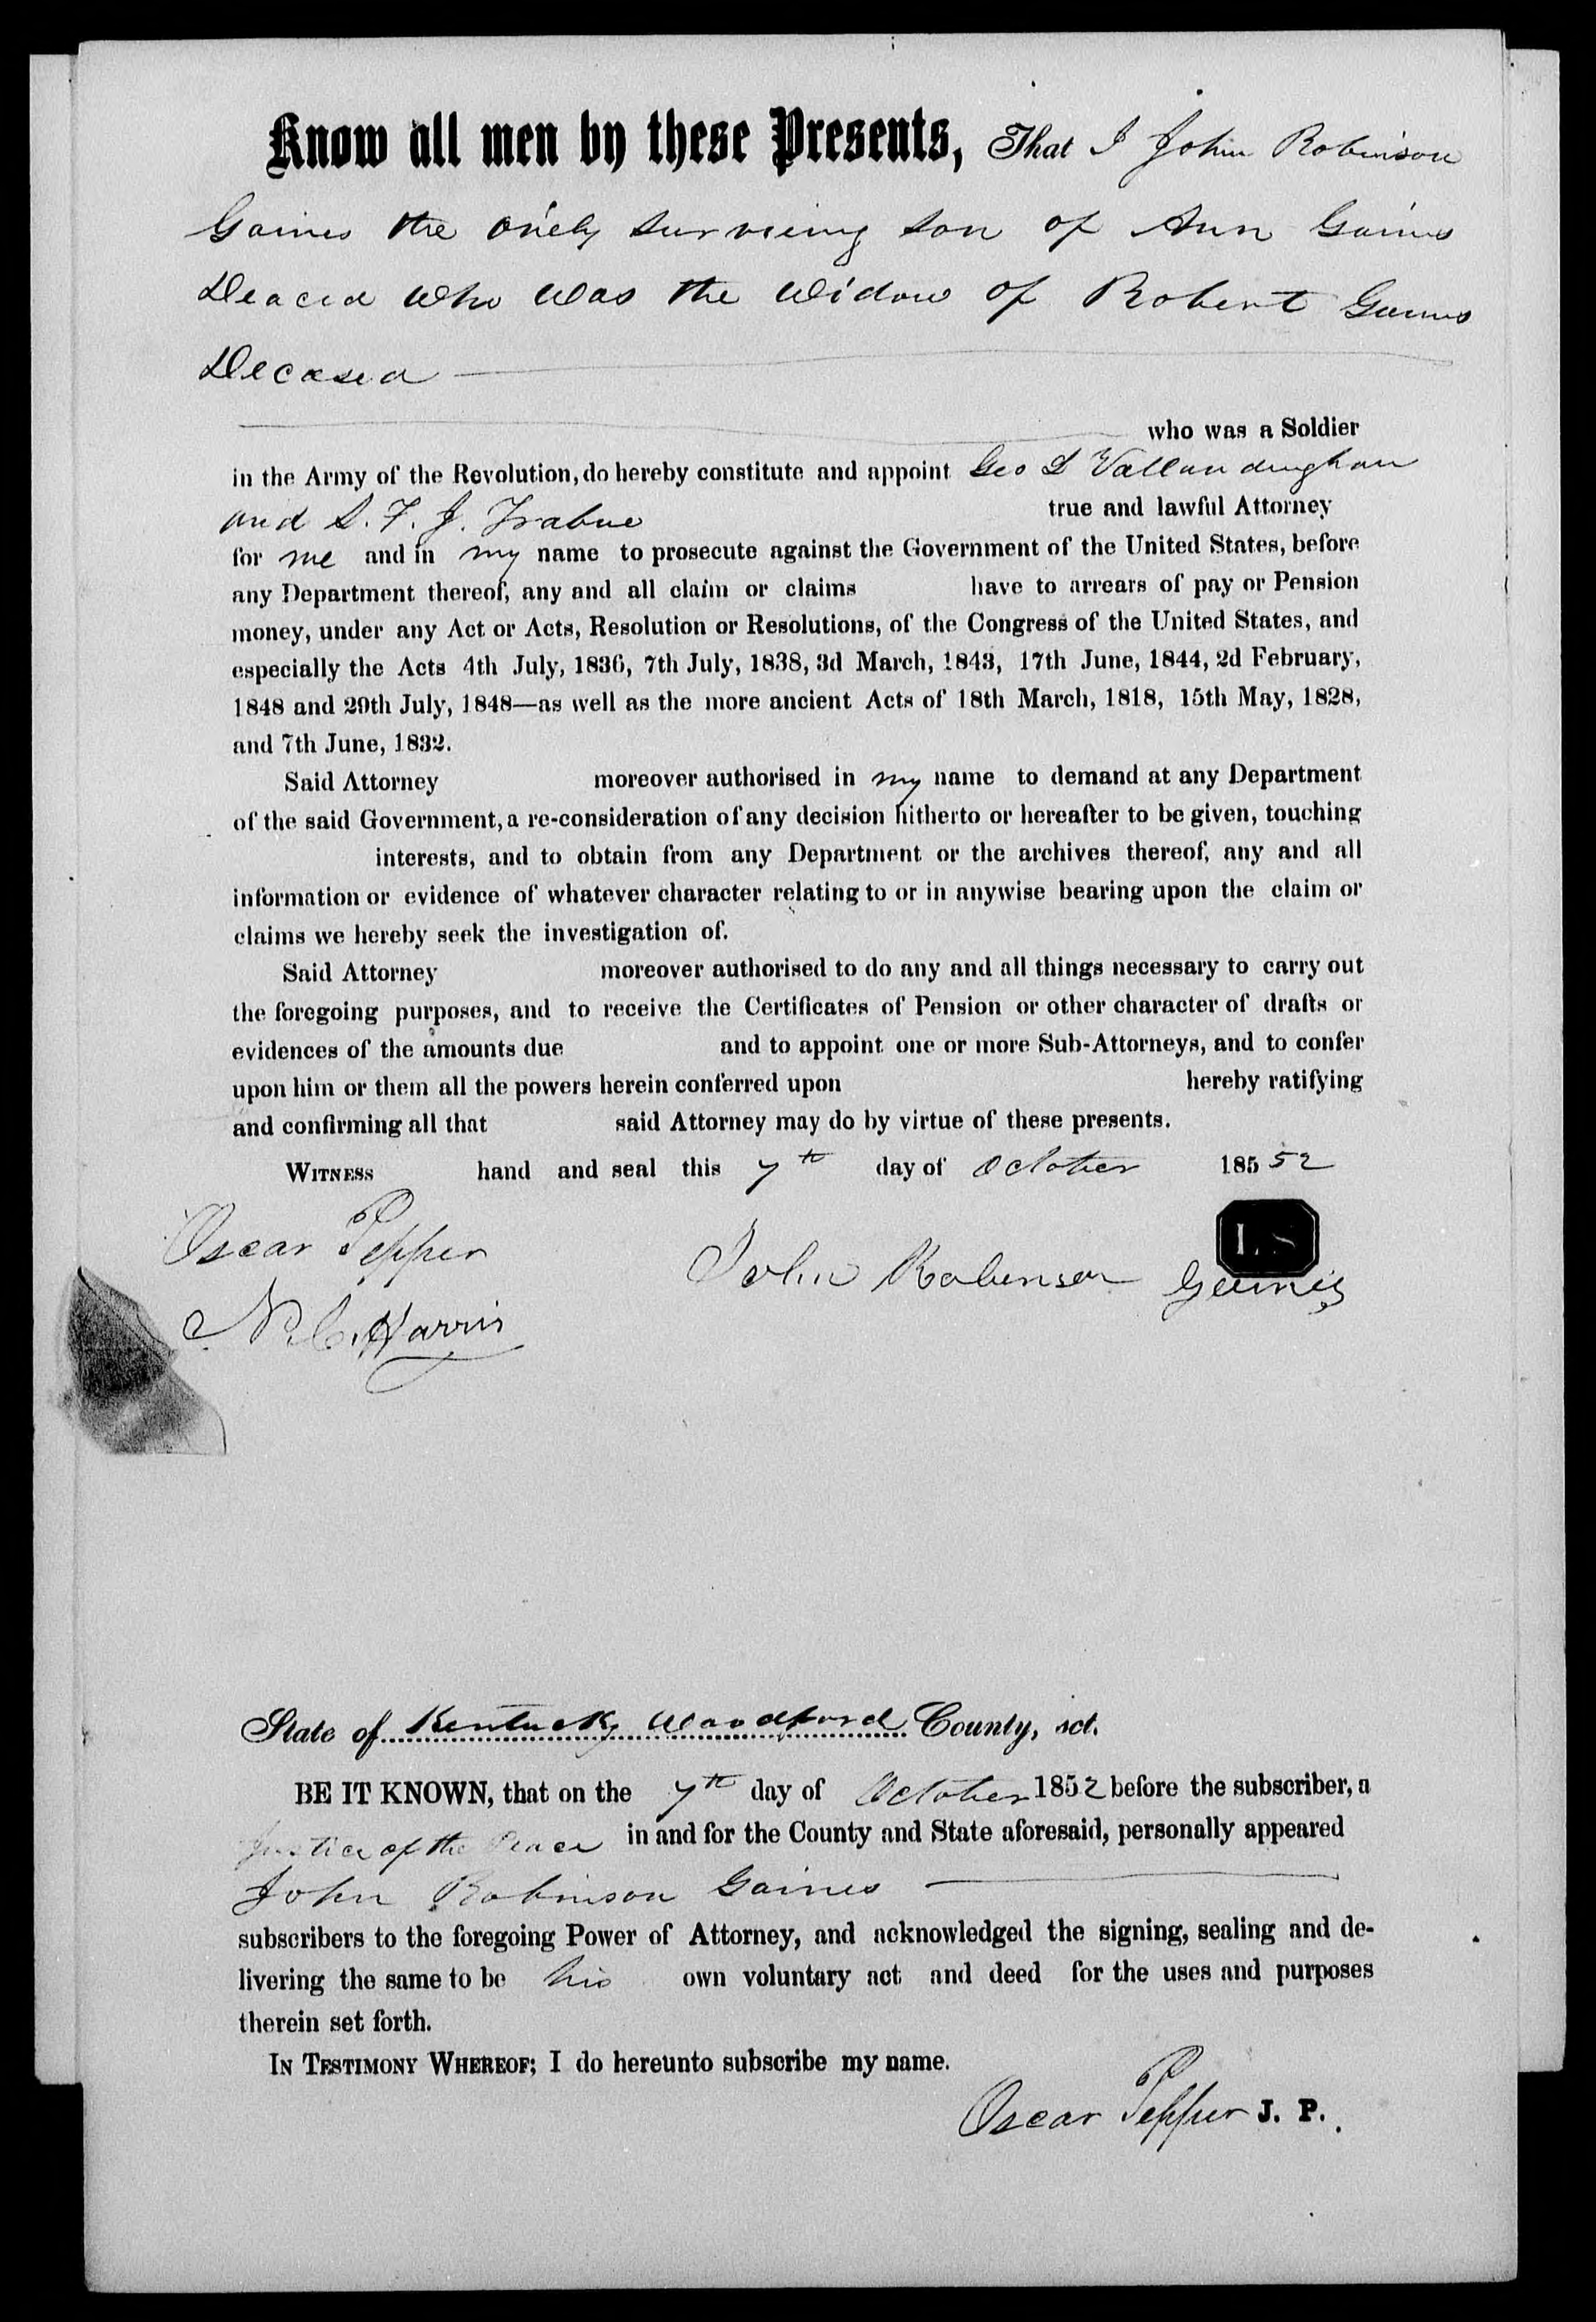Know all men by these Presents, That I John Robinson
Gaines the only surviving son of Ann Gaines
Deaced who was the widow of Robert Gaines
Decased -
- who was a Soldier
in the Army of the Revolution, do hereby constitute and appoint Geo L. Vallandighanand
S. F. J. Trabue true and lawful Attorney
for me and in my name to prosecute against the Government of the United States, before
any Department thereof, any and all claim or claims [blank] have to arrears of pay or Pension
money, under any Act or Acts, Resolution or Resolutions of the Congress of the United States, and
especially the Acts 4th July, 1836, 7th July, 1838, 3d March, 1843, 17th June, 1844, 2d February,
1848 and 29th July, 1848 -- as well as the more ancient Acts of 18th March, 1818, 15th May, 1828,
and 7th June, 1832.
Said Attorney [blank] moreover authorised in my name to demand at any Department
of the said Government, a re-consideration of any decision hitherto or hereafter to be given, touching
[blank] interests, and to obtain from any Department of the archives thereof, any and all
information or evidence of whatever character relating to or in anywise bearing upon the claim of
claims we hereby seek the investigation of.
Said Attorney [blank] moreover authorised to do any and all things necessary to carry out
the foregoing purposes, and to receive the Certificate of Pension or other character of drafts of
evidences of the amounts due [blank] and to appoint one or more Sub-Attorneys, and to confer
upon him or them all the powers herein conferred upon [blank] hereby ratifying
and confirming all that [blank] said Attorney may do by virtue of these presents.
WITNESS hand and seal this 7th day of October 18552 [1852]
Oscar Pepper
N. C. Harris
John Robinson Gaines

State of Kentucky Woodford County, sct.
BE IT KNOWN, that on the 7th day of October 1852 before the subscriber, a
Justice of the Peace in and for the County and State aforesaid, personally appeared
John Robinson Gaines -
subscribers to the foregoing Power of Attorney, and acknowledged the signing, sealing and delivering
the same to be his own voluntary act and deed for the uses and purposes
therein set forth.
IN TESTIMONY WHEREOF, I do hereunto subscribe my name.
Oscar Pepper J.P.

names: Ann Gaines, John Robinson Gaines, Geo L Vallandingham, Oscar Pepper, Robert Gaines, N C Harris, John Robinson Gaines, S F J Trabue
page: 72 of 79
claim: rejected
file: R. 3863, Robert Gaines, Va.